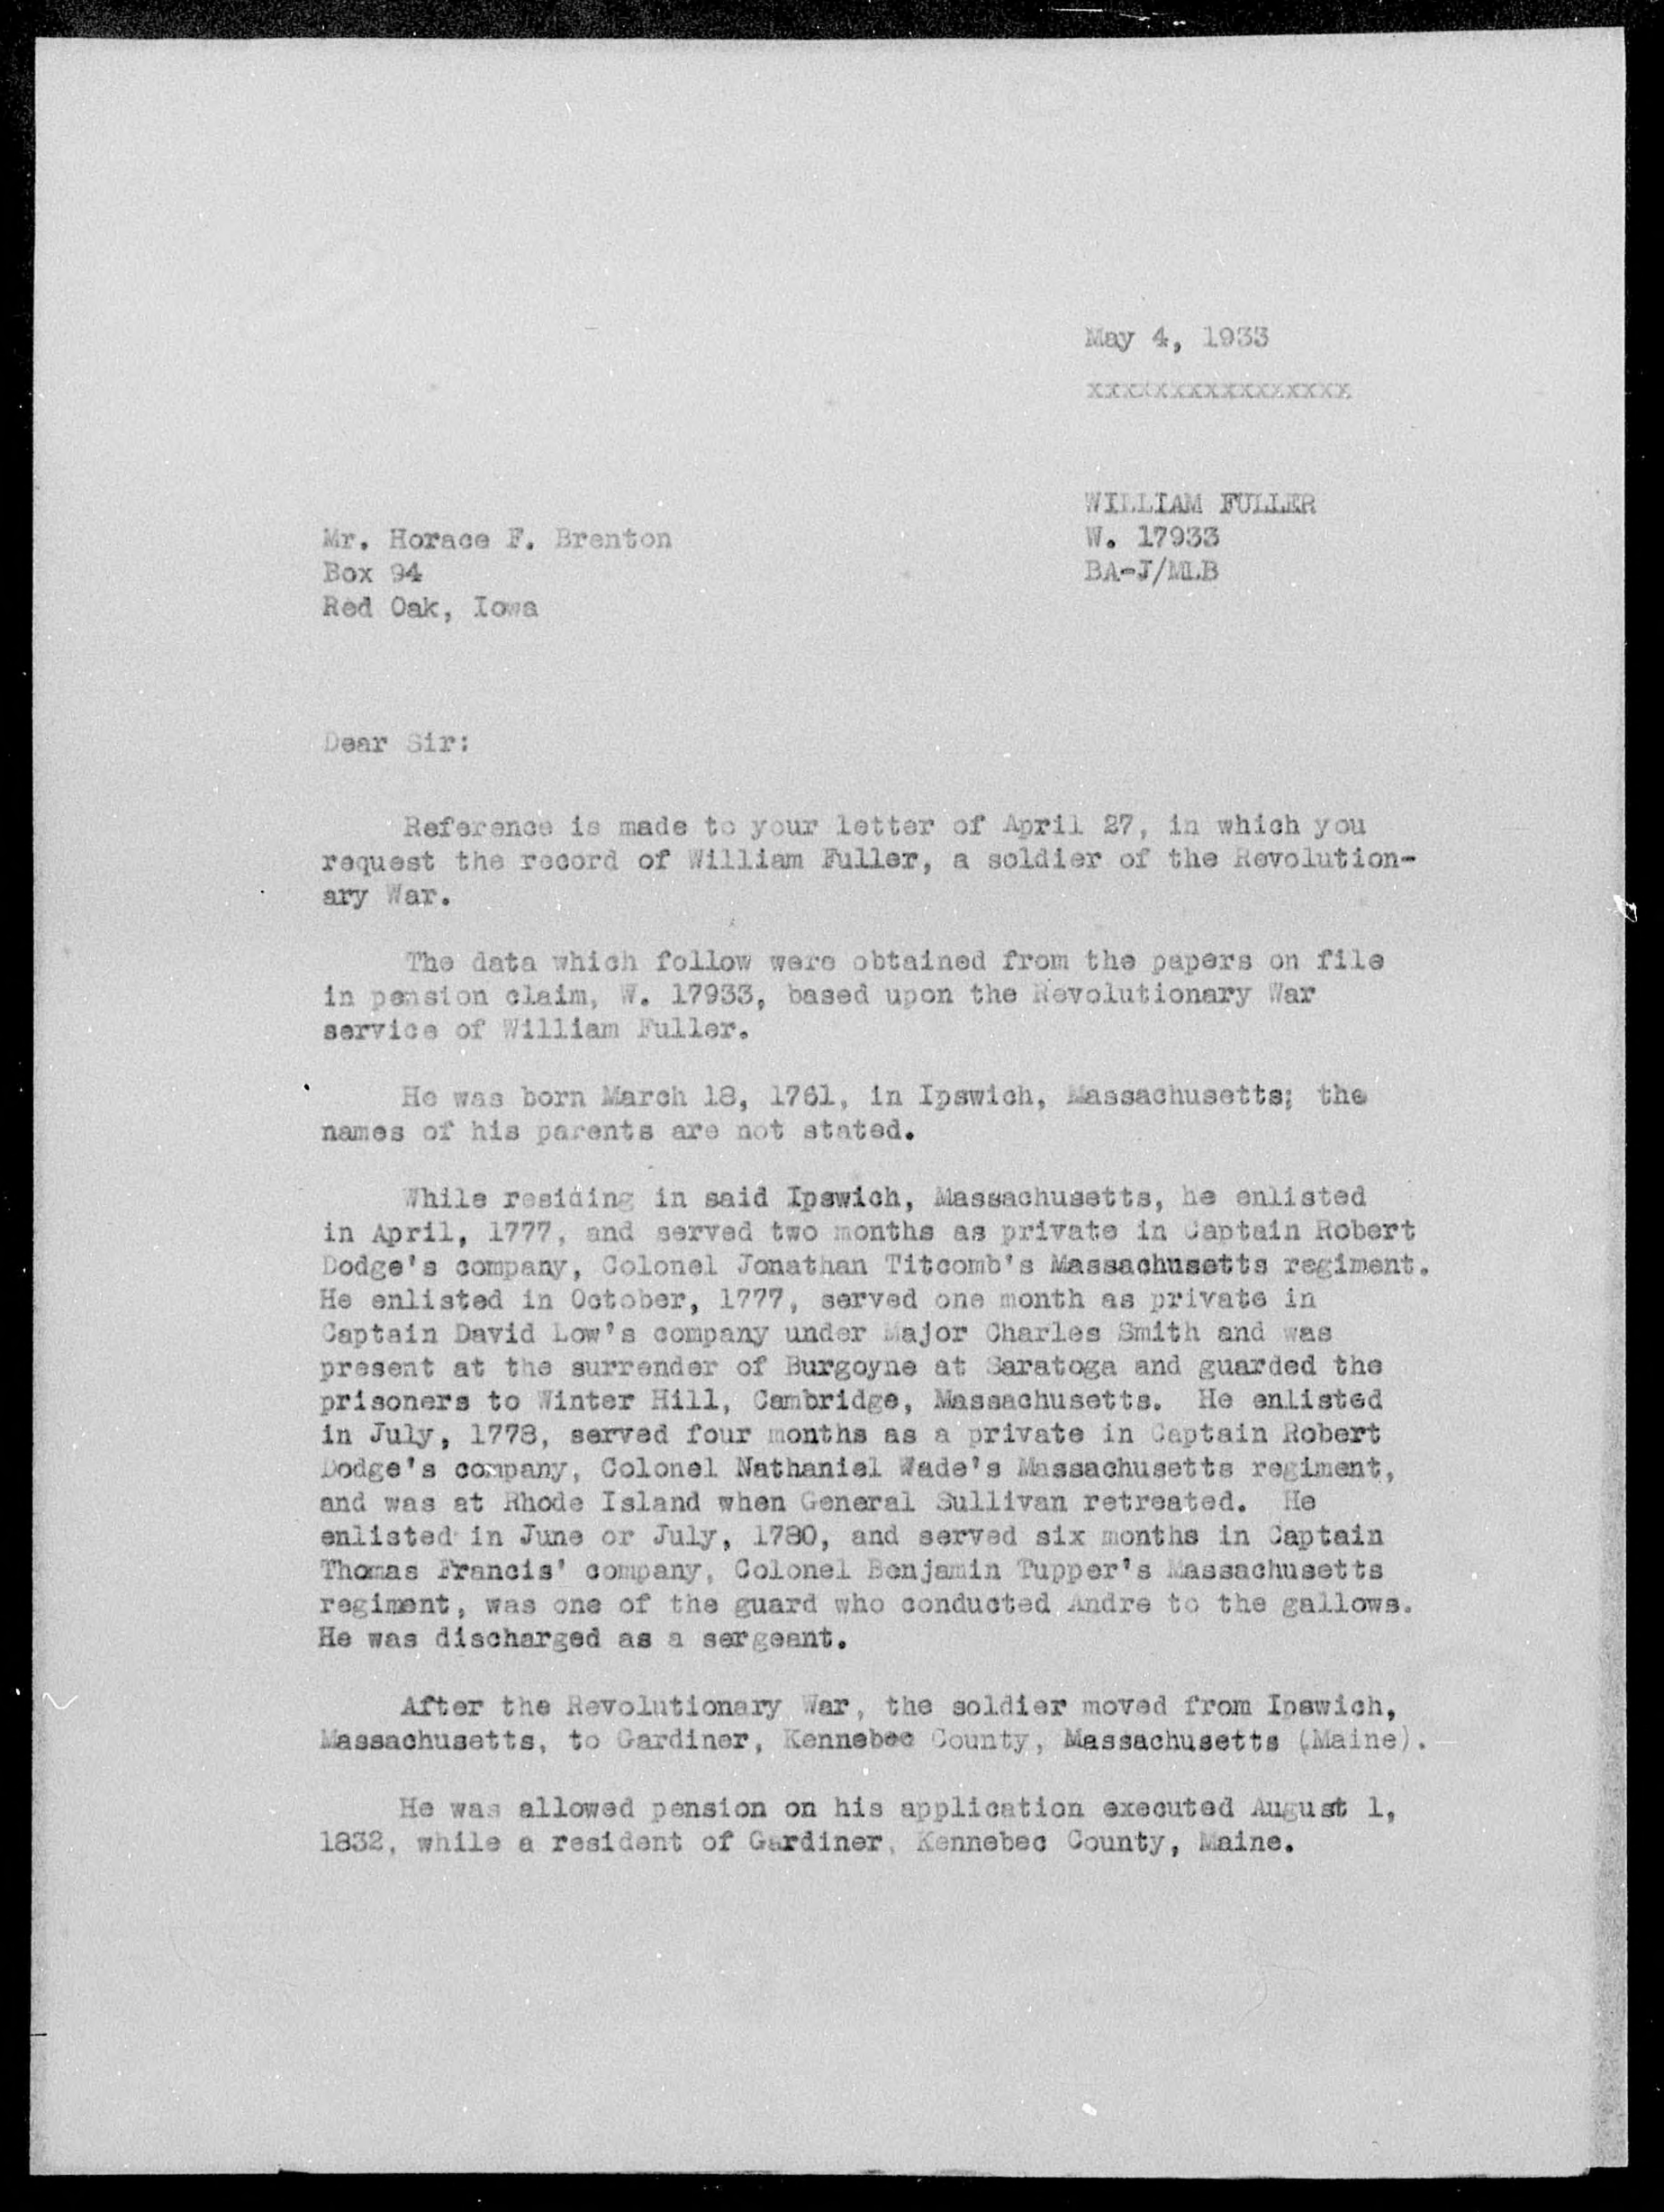May 4, 1933
xxxxxxxxxxxx

WILLIAM FULLER
W. 17933
BA-J/MLB

Mr. Horace F. Branton
Box 94
Red Oak, Iowa

Dear Sir:
Reference is made to your letter of April 27, in which you request the record of William Fuller, a soldier of the Revolutionary War.
The data which follow were obtained from the papers on file in pension claim, W. 17933, based upon the Revolutionary War service of William Fuller.
He was born March 18, 1761, in Ipswich, Massachusetts; the names of his parents are not stated.
While residing in said Ipswich, Massachusetts, he enlisted in April, 1777, and served two months as private in Captain Robert Dodge’s company, Colonel Jonathan Titcomb’s Massachusetts regiment. He enlisted in October, 1777, served one month as private in Captain David Low's company under Major Charles Smith and was present at the surrender of Burgoyne at Saratoga and guarded the prisoners to Winter Hill, Cambridge, Massachusetts. He enlisted in July, 1778, served four months as a private in Captain Robert Dodge’s company, Colonel Nathaniel Wade’s Massachusetts regiment, and was at Rhode Island when General Sullivan retreated. He enlisted in June or July, 1780, served six months in Captain Thomas Francis' company, Colonel Benjamin Tupper's Massachusetts regiment, was one of the guard who conducted Andre to the gallows. He was discharged as a sergeant.
After the Revolutionary War, the soldier moved from Ipswich, Massachusetts, to Gardiner, Kennebec County, Massachusetts (Maine).
He was allowed pension on his application executed August 1, 1832, while a resident of Gardiner, Kennebec County, Maine.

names: Horace F Brenton, Sullivan, William Fuller, William Fuller, William Fuller, Charles Smith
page: 40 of 45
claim: widow's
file: W. 17933, William Fuller, Mass